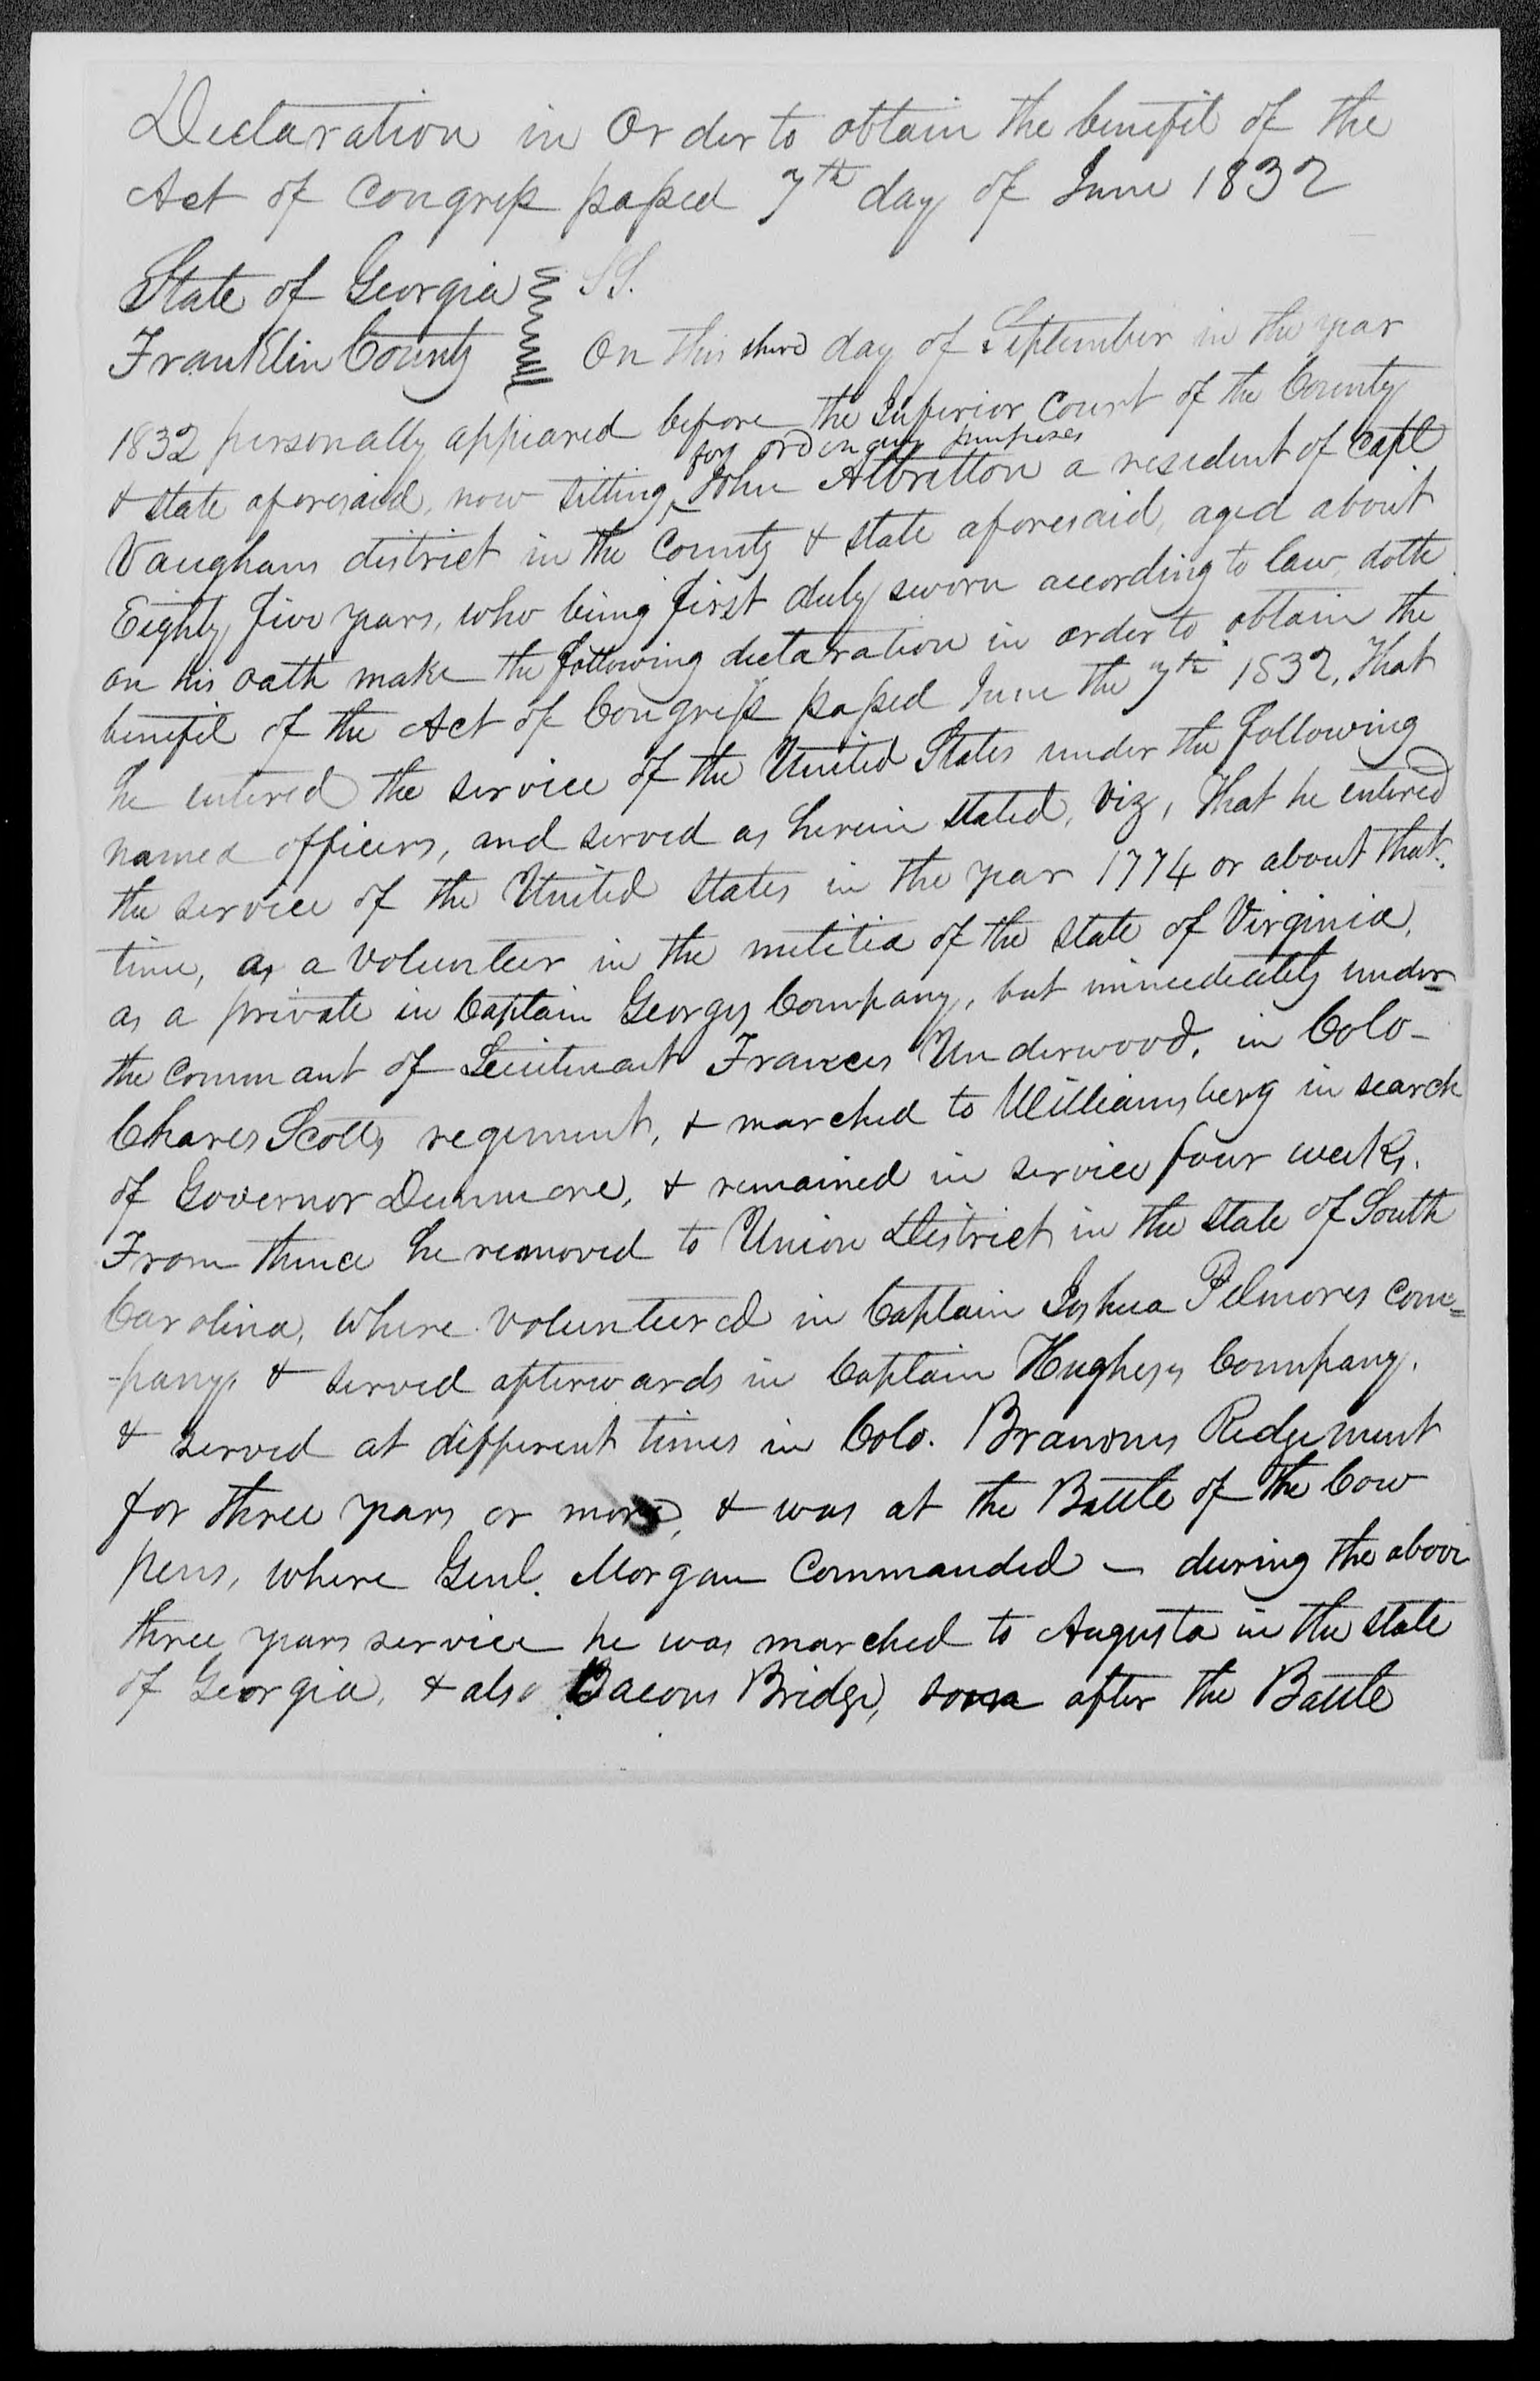Declaration in order to obtain the benefit of the Act of Congress passed 7th day of Jun 1832
State of Georgia Franklin County
On this third day of September in the year 1832 personally appeared before the Superior Court of the County & State aforesaid, not sitting for or in any purposes, John Albritton a resident of Capt. Vaughan district in the County & State aforesaid aged about eighty five years, who being first duly sworn according to law doth on his oath make the following declaration in order to obtain the benefit of the Act of Congress passed June the 7th 1832. That he entered the service of the United States under the following named officers, and served as herein stated, viz. That he entered the service of the United States in the year 1774 or about that time, as a volunteer in the militia of the state of Virginia as a private in Captain Georges Company, but immediately under the command of Lieutenant Frances Underwood, in Colo. Charles Scott's regiment & marched to Williamsburg in search of Governor Dunmore, & remained in service four weeks. From thence he removed to Union District in the state of South Carolina, where volunteered in Captain Joshua Filmore's company & served afterwards in Captain Hughes' company & served at different times in Colo. Branson's Regiment for three years or more & was at the Battle of the Cowpens, where Genl. Morgan commanded - during the above three years service he was marched to Augusta in the state of Georgia & also Bacon Bridge soon after the Battle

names: Governer Dunmore, John Albritton, Francis Underwood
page: 4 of 22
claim: survivor's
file: S. 31,517, John Allbritton, S.C.